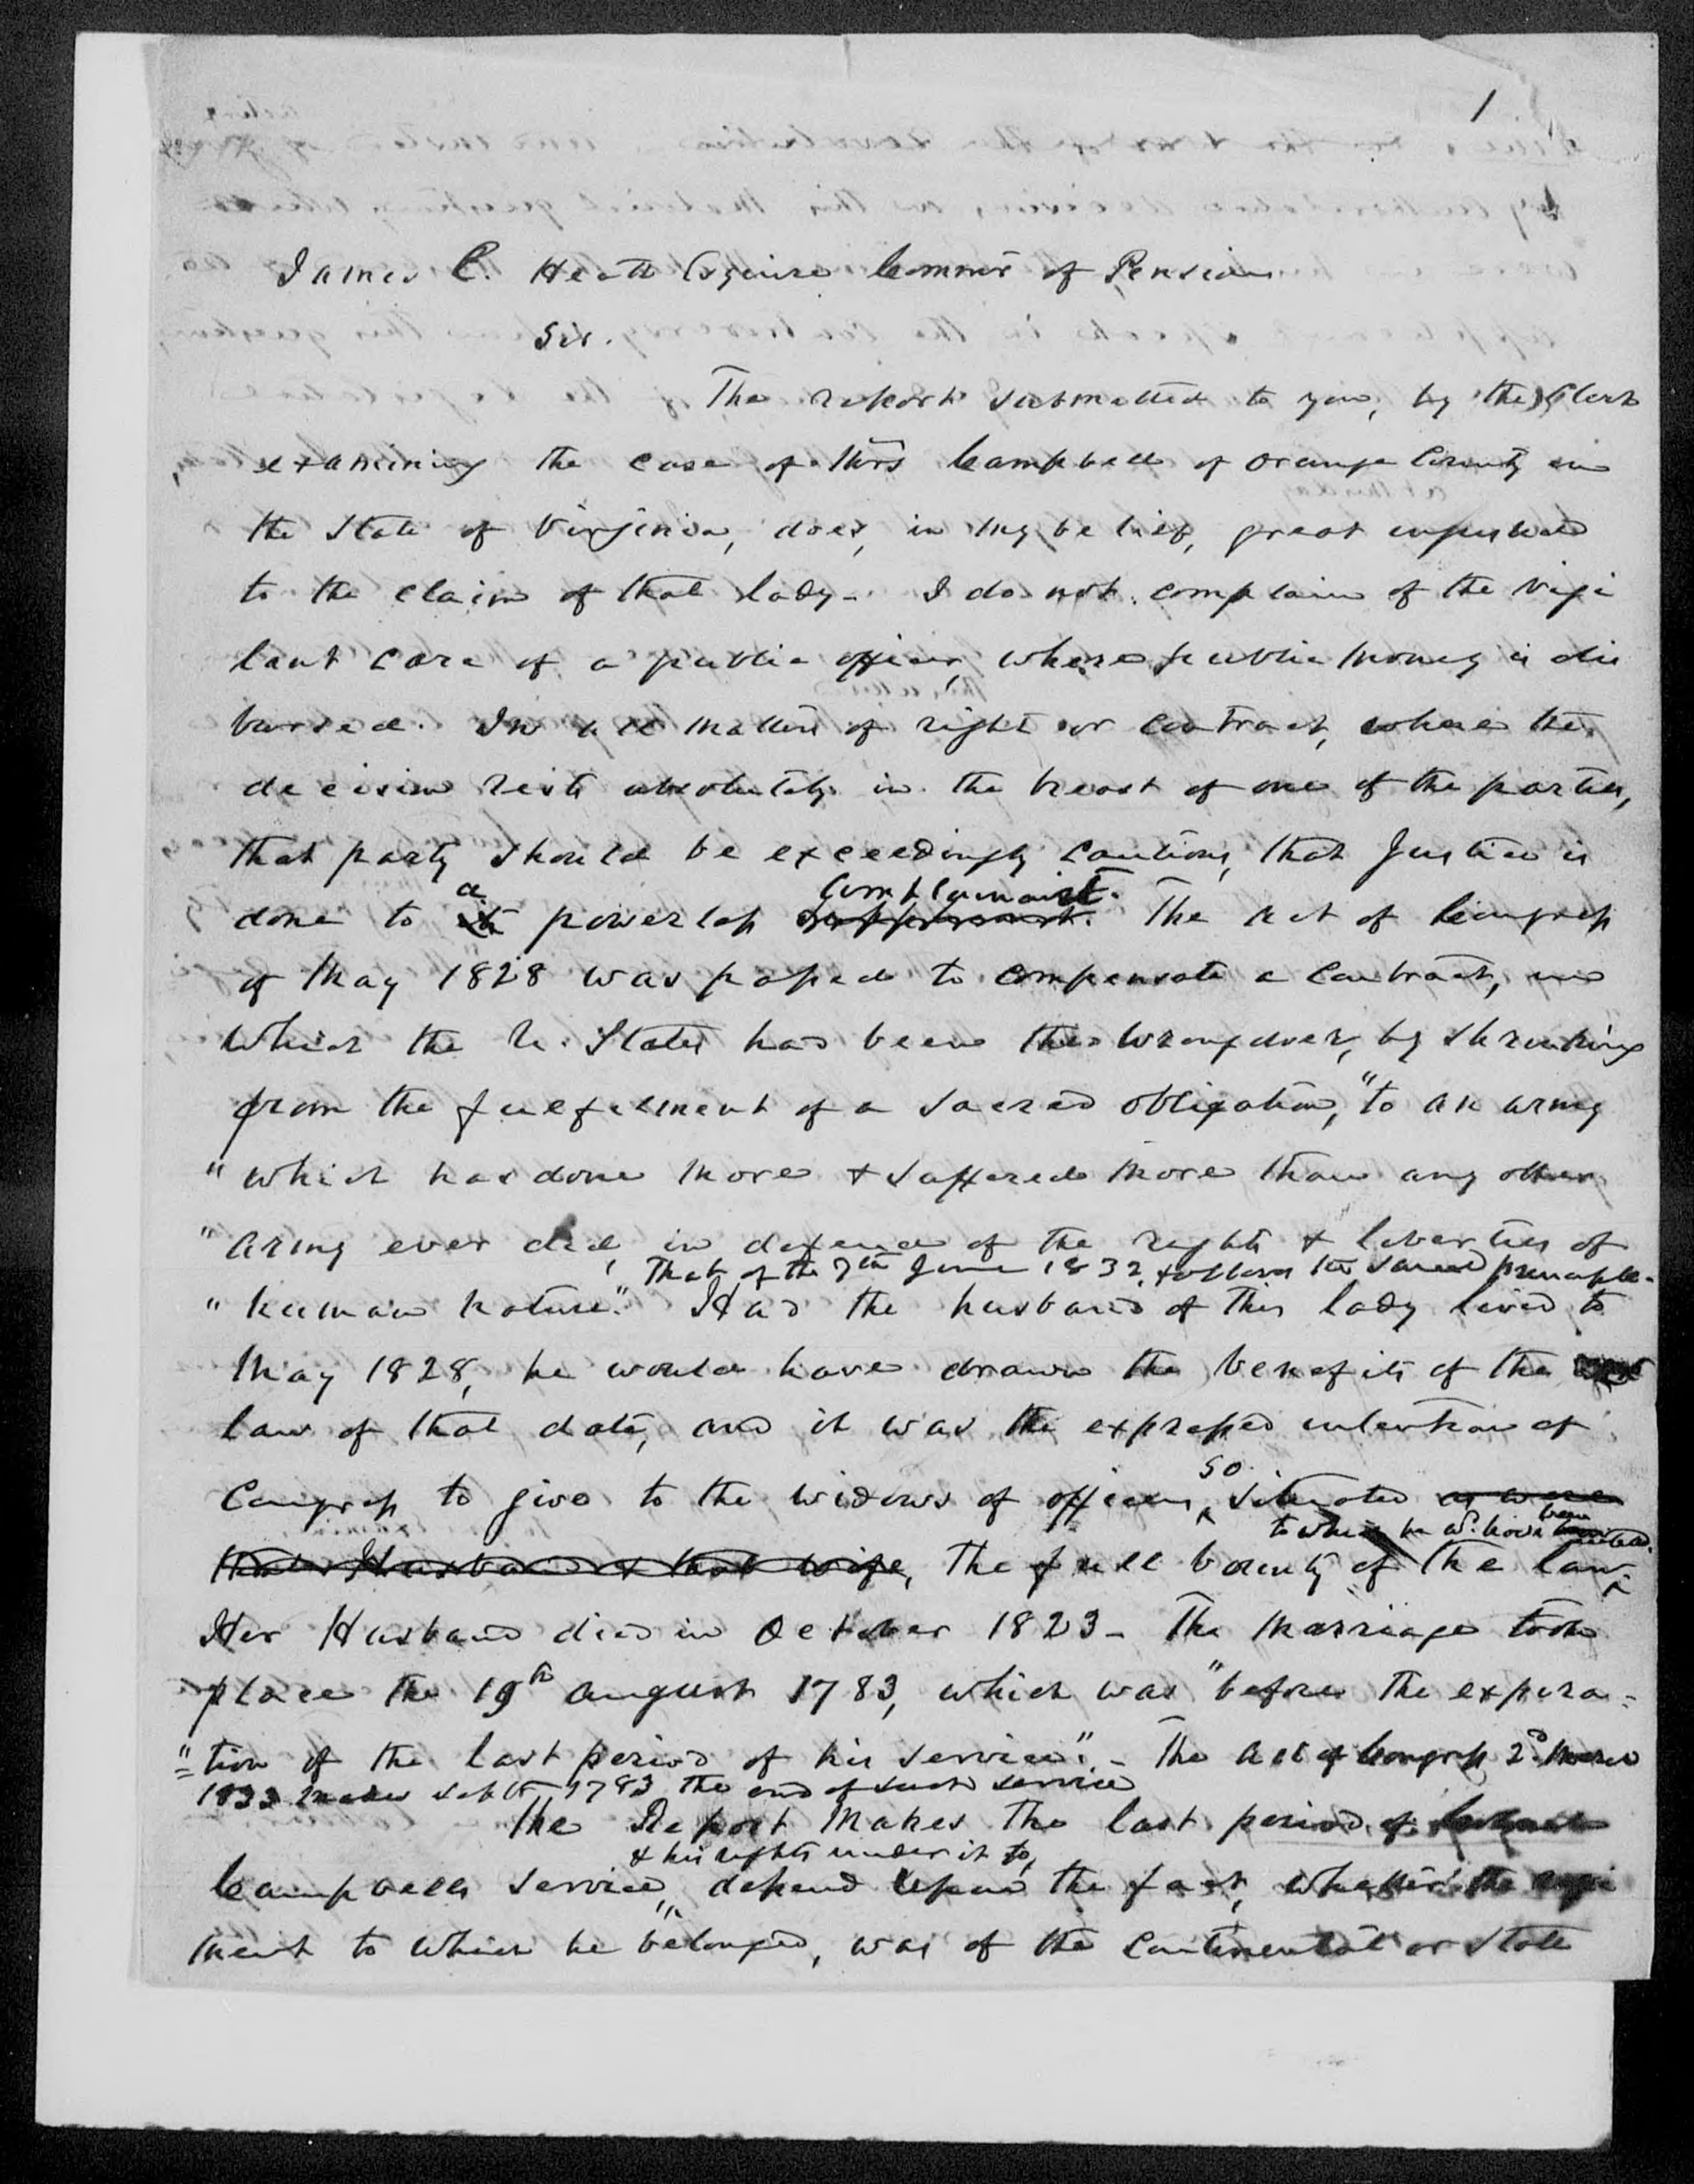James E. Heath Esquire Commr. of Pensions

Sir
The report submitted to you, by the clerk examining the case of Mrs. Campbell of Orange County in the State of Virginia, does, in my belief, great injustice to the claim of that lady.  I do not complain of the vigilant care of a public officer where public money is disbursed.  In the matters of right or contract, where the decision rests absolutely in the [illegible] of one of the parties, that party should be exceedingly cautious, that justice is done to a power of [illegible].  The act of Congress of May 1828 was passed to compensate a contract, in which the U. States has been the wrongdoer, by thrusting from the fulfillment of a sacred obligation, "to an army which has done more & suffered more than any other army ever did, in defense of the rights & liberties of human nature."  That of the 7th June 1832 [illegible].  Had the husband of this lady lived to May 1828, he would have drawn the benefits of the law of that date, and it was the express intention of Congress to give to the widows of officers so [illegible] the full bounty of the law to which he would have been entitled.  Her husband died in October 1823.  The marriage took place the 19th August 1783, which was "before the expiration of the last period of his service."   The act of Congress 2d March 1833 made [illegible] 1783 the end of such service.    The Depart. makes the last period of Col. Campbell's service & his right under it to depend upon the fact, whether the regiment to which he belonged, was of the Continental or State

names: Campbell, Campbell, James E Heath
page: 223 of 267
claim: widow's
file: W. 4,149, William Campbell, Va.